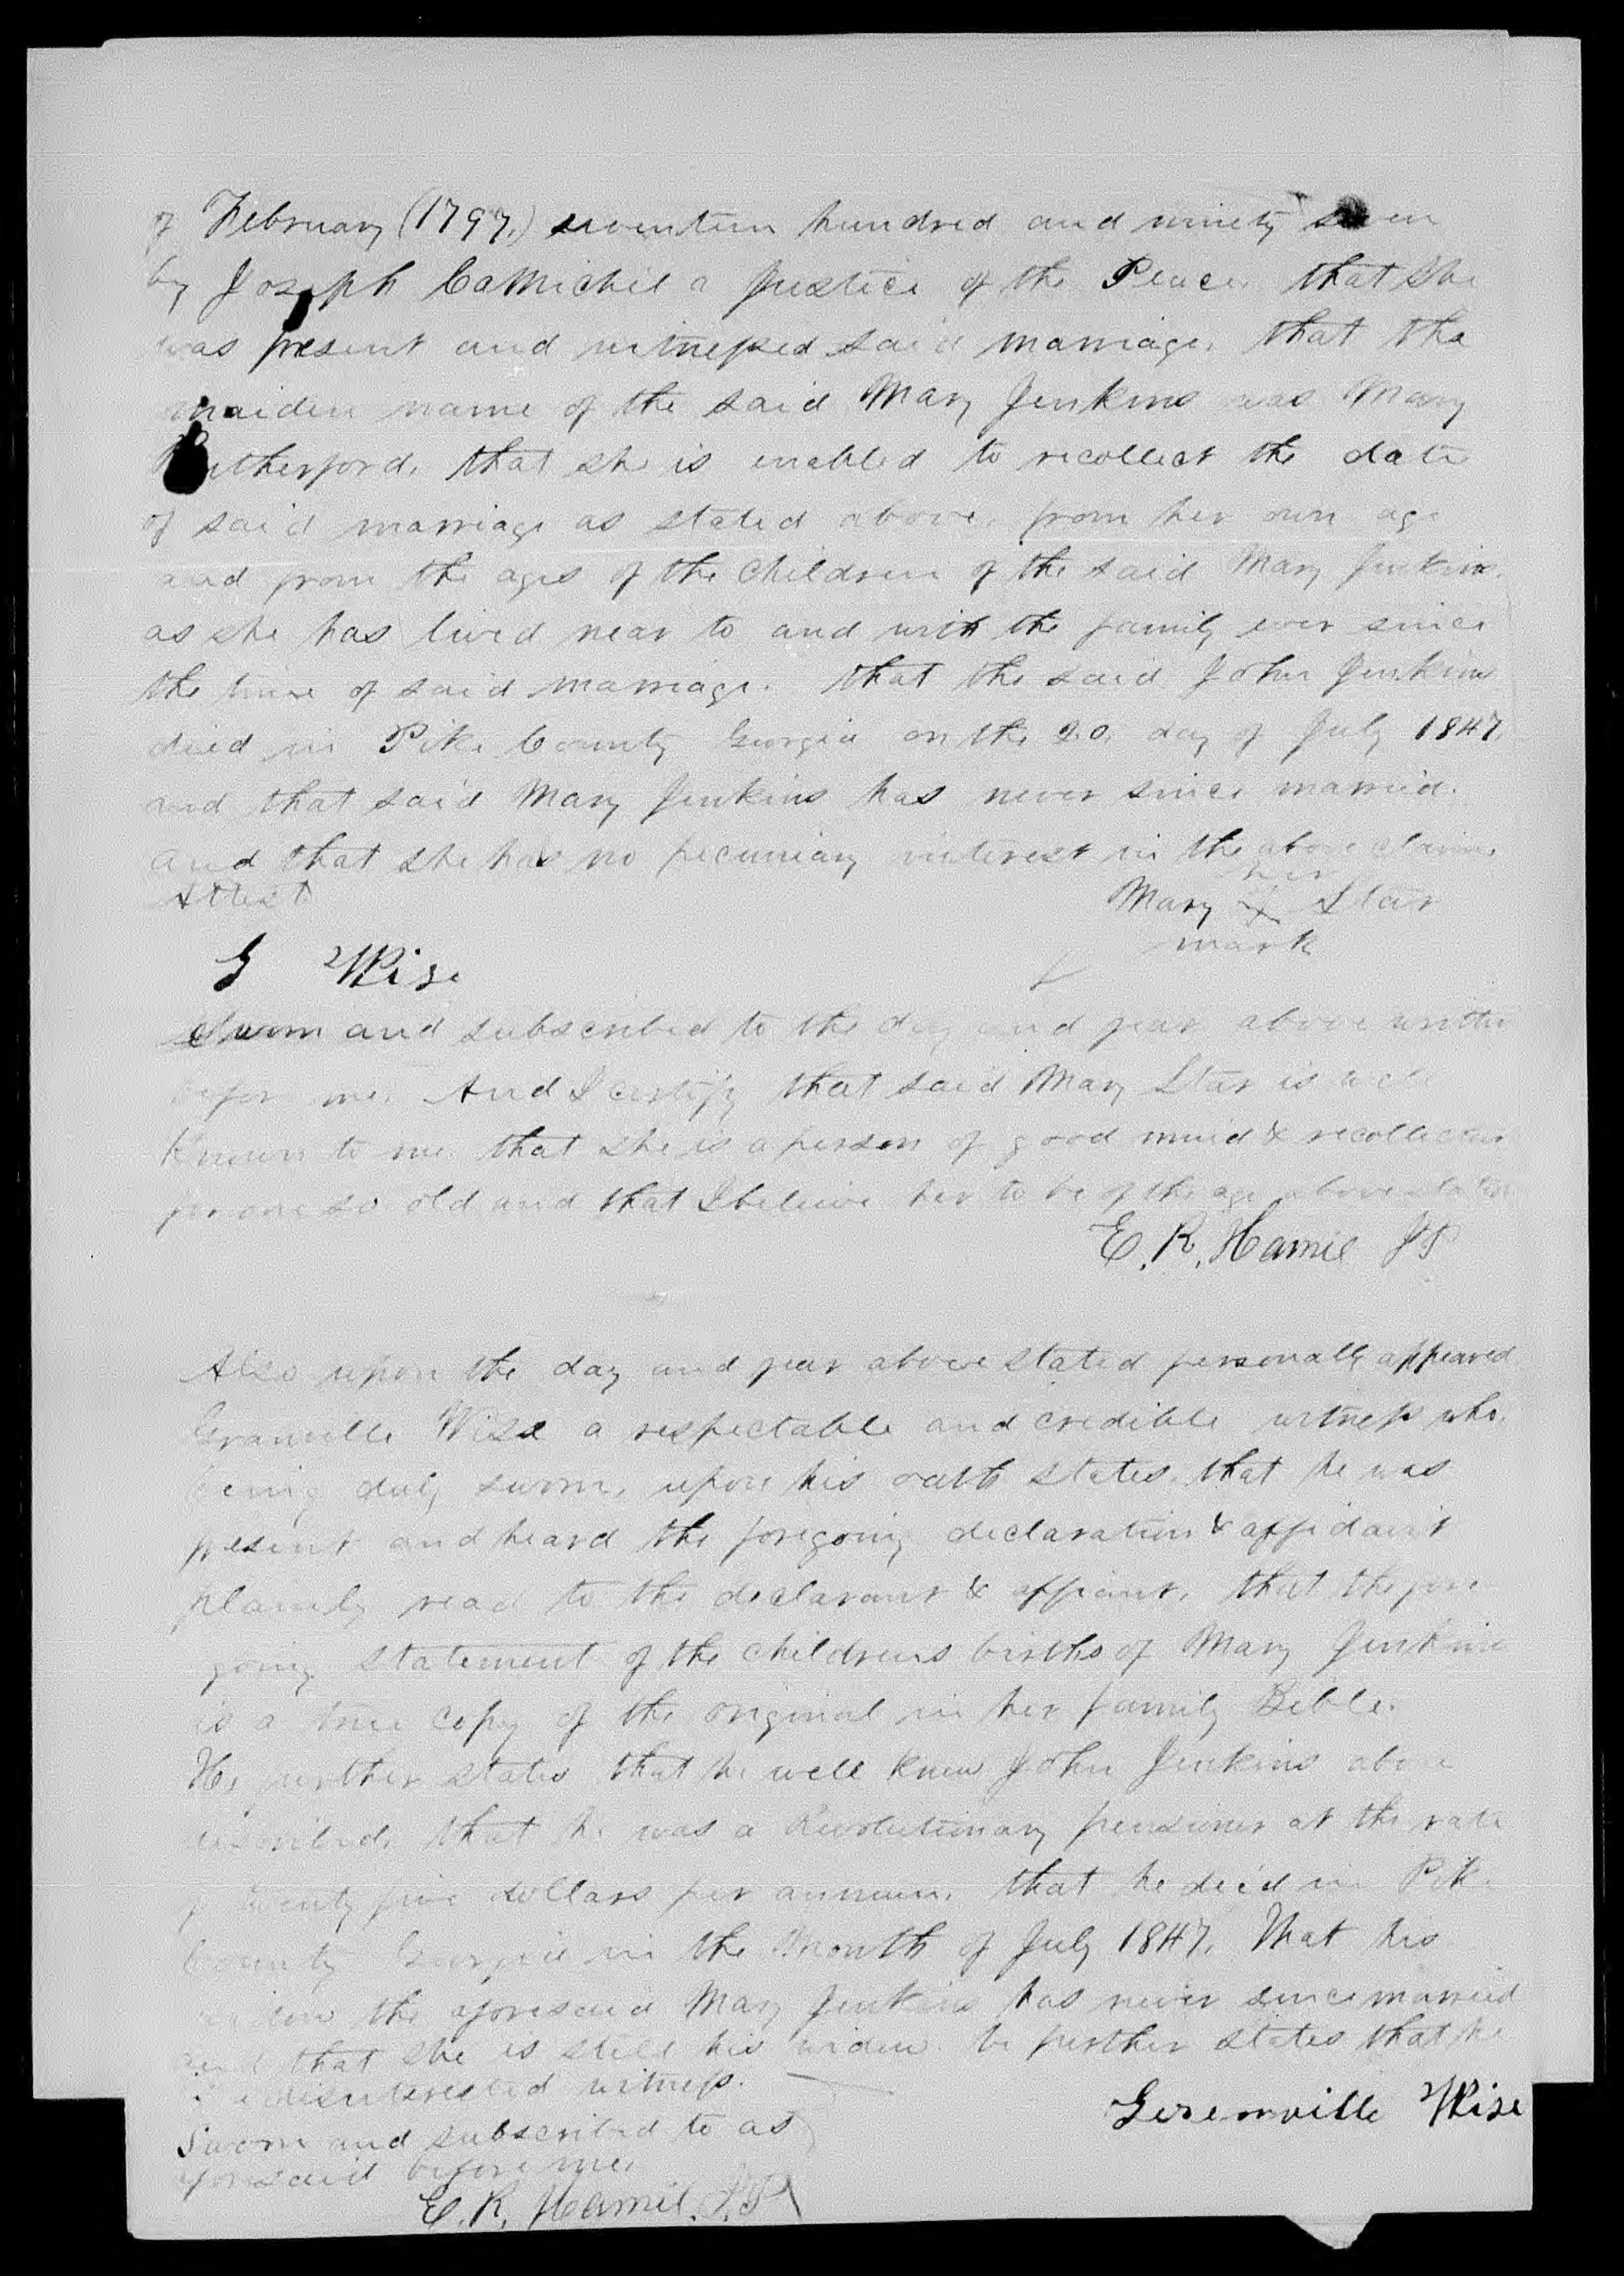of February (1797) seventeen hundred and ninety seven by Joseph Ca Michel a Justice of the Peace that she was present and witnessed said marriage, that the maiden name of the said Mary Jenkins was Mary Rutherford, that she is enabled to recollect the date of said marriage as stated above from her own age
and from the ages of the children of the said Mary Jenkins as she has lived near to and with the family ever since the time of said marriage, that the said John Jenkins died in Pike County Georgia on the 20 day of July 1847 and that said Mary Jenkins has never since married and that she has no pecuniary interest in the above claim. Mary Star X her mark
attest G Wise
Sworn and subscribed to the day and year above written before me and I certify that said Mary Star is well known to me that she is a person of good mind & recollected for one so old and that I believe her to be the age above stated
E. R. Hamil JP
Also upon the day and year above stated personally appeared Gravell Wise is a respectable and credible witness who being
duly sworn, upon his oath states that he was
present and heard the foregoing declaration & affidavit plainly read to the declarant & affiant, that the foregoing statement of the childrens births of Mary Jenkins is a true copy of the original in her family Bible. He further stated that he well knew John Jenkins above
[illegible], that he was a Revolutionary pensioner at the rate twenty five dollars per annum, that he died in Pike County Georgia in the month of July 1847. That his widow the aforesaid Mary Jenkins has never since married
and that she is still his widow he further states that he is a disinterested witness.
Sworn and subscribed to as aforesaid before me
E. R. Hamil J.P.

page: 13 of 55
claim: widow's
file: W. 7894, for John Jenkins, Virginia